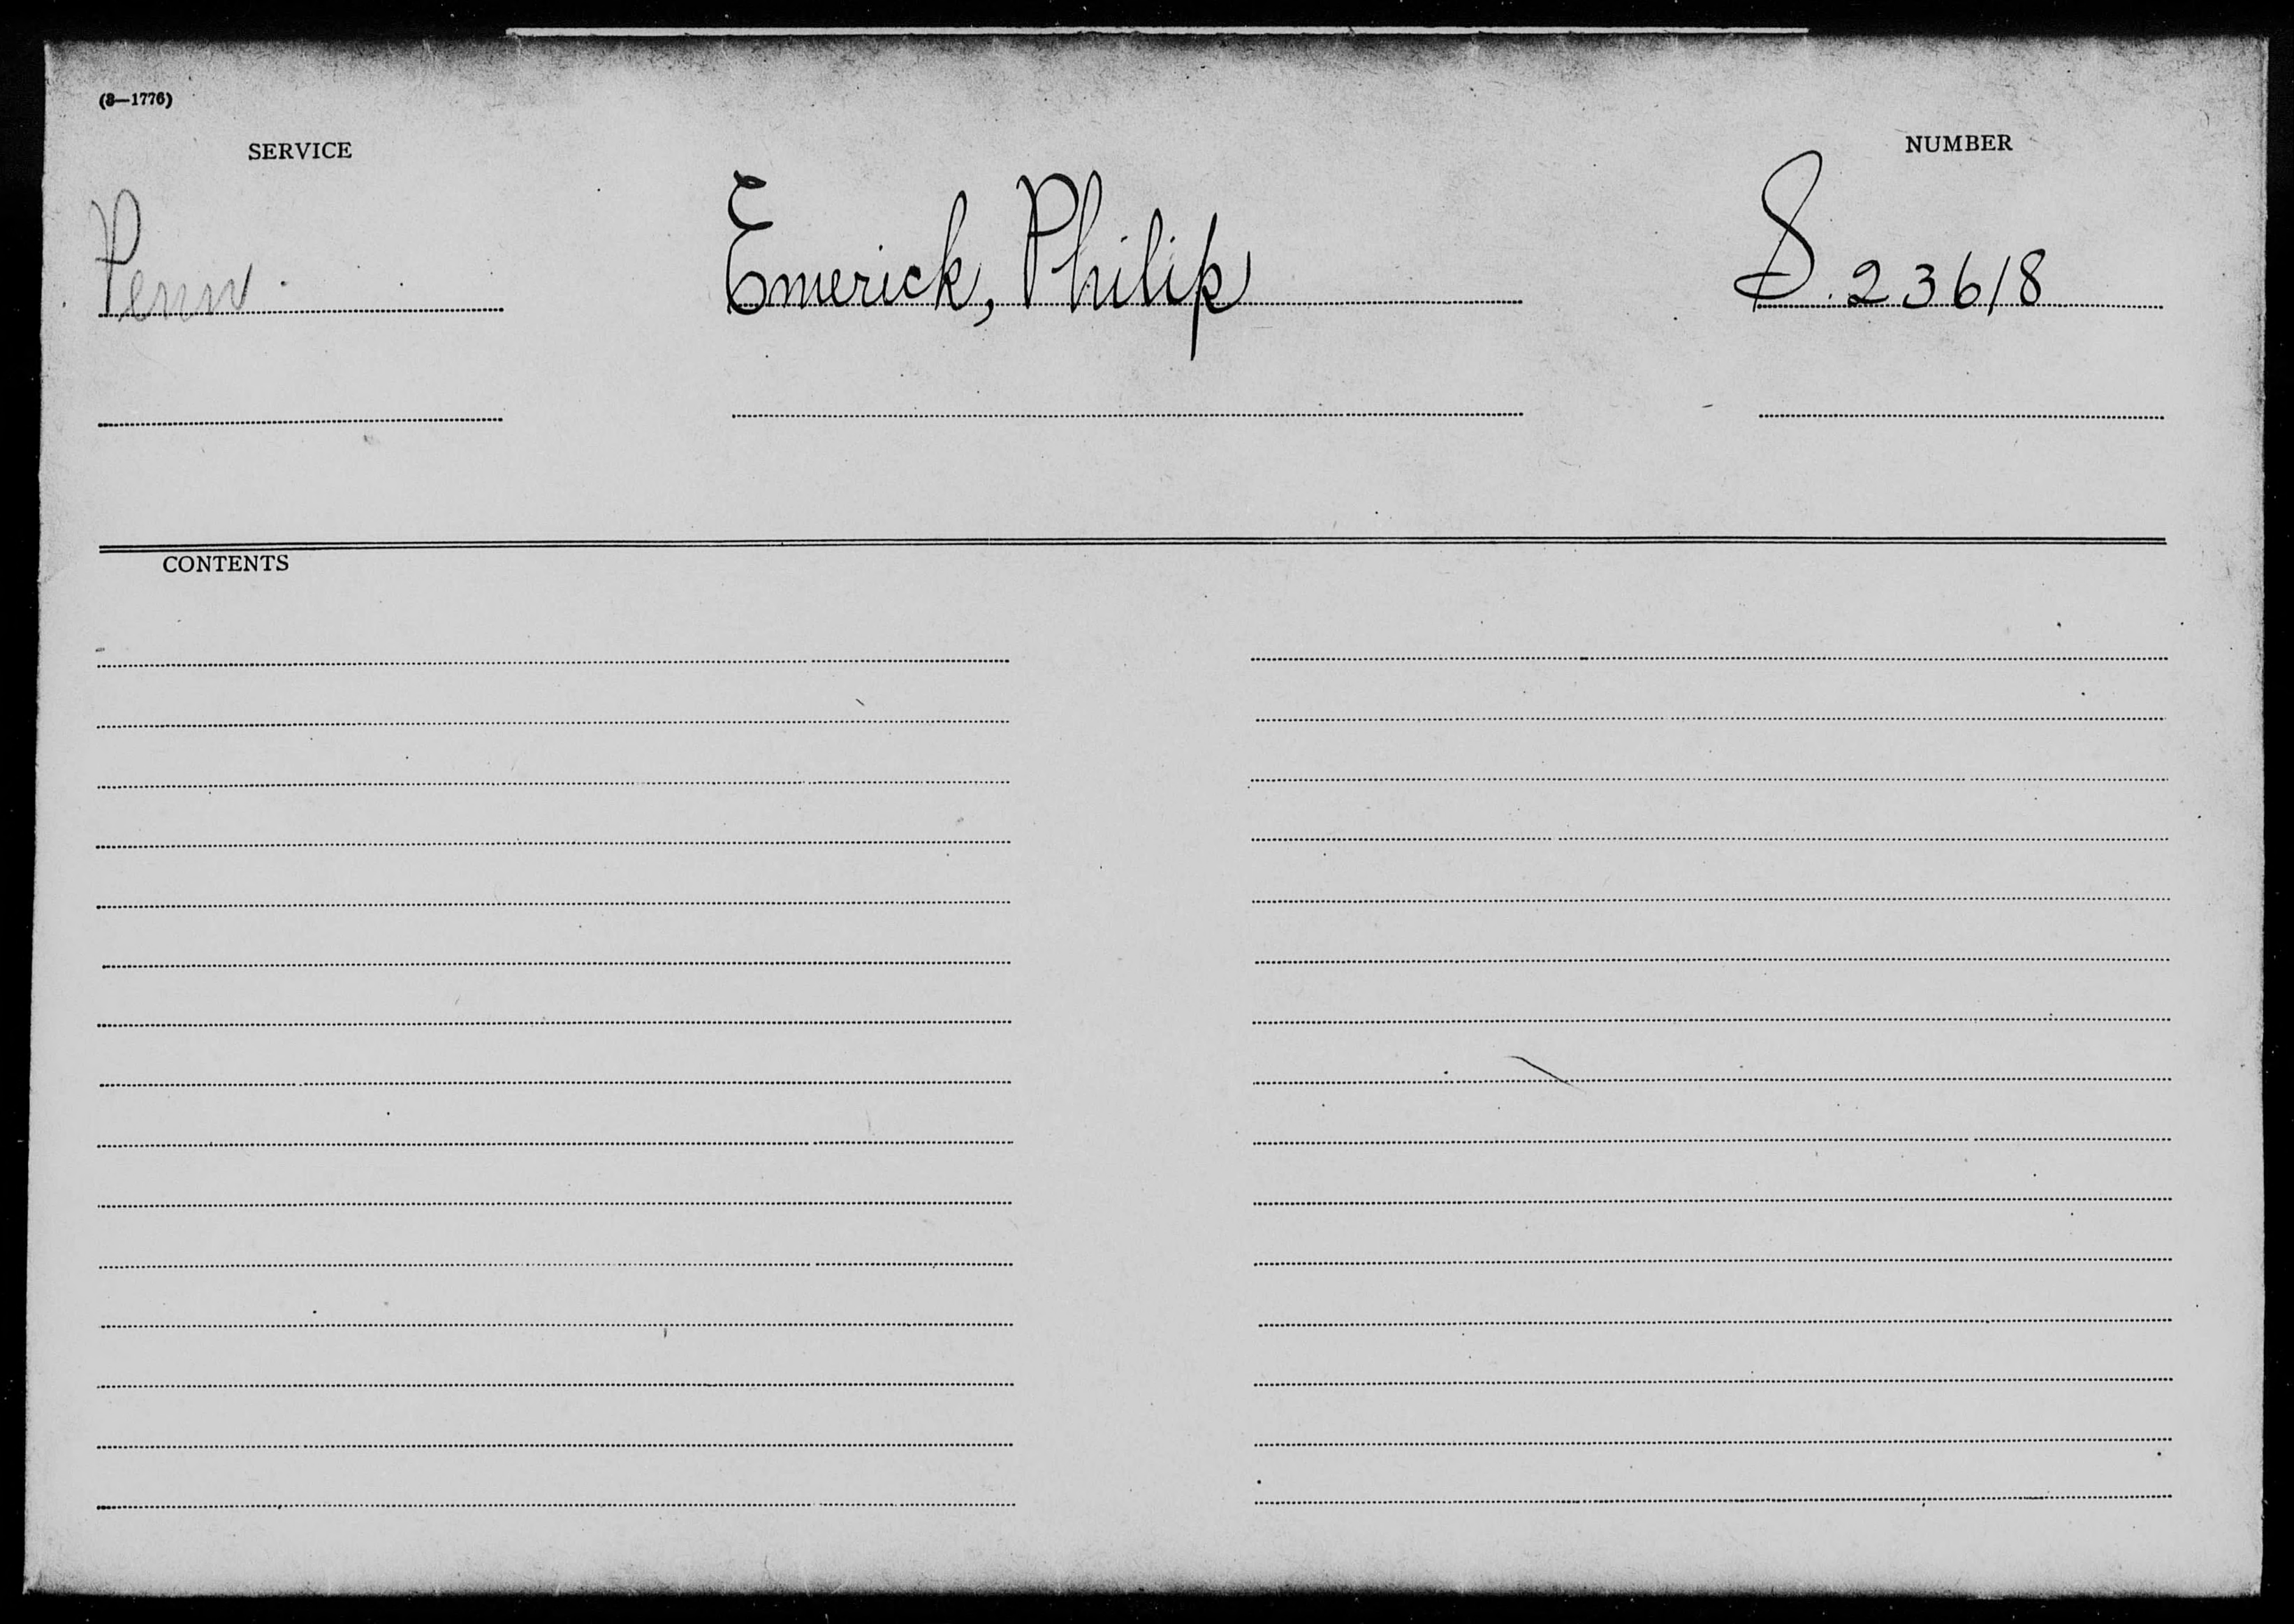(3-1776)    
SERVICE                                         NUMBER
Penn      |        Emerick, Philip  |     S.23618

---------------------------------
CONTENTS
[blank]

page: 1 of 29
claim: survivor's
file: S. 23618, Philip Emerick, Penn.